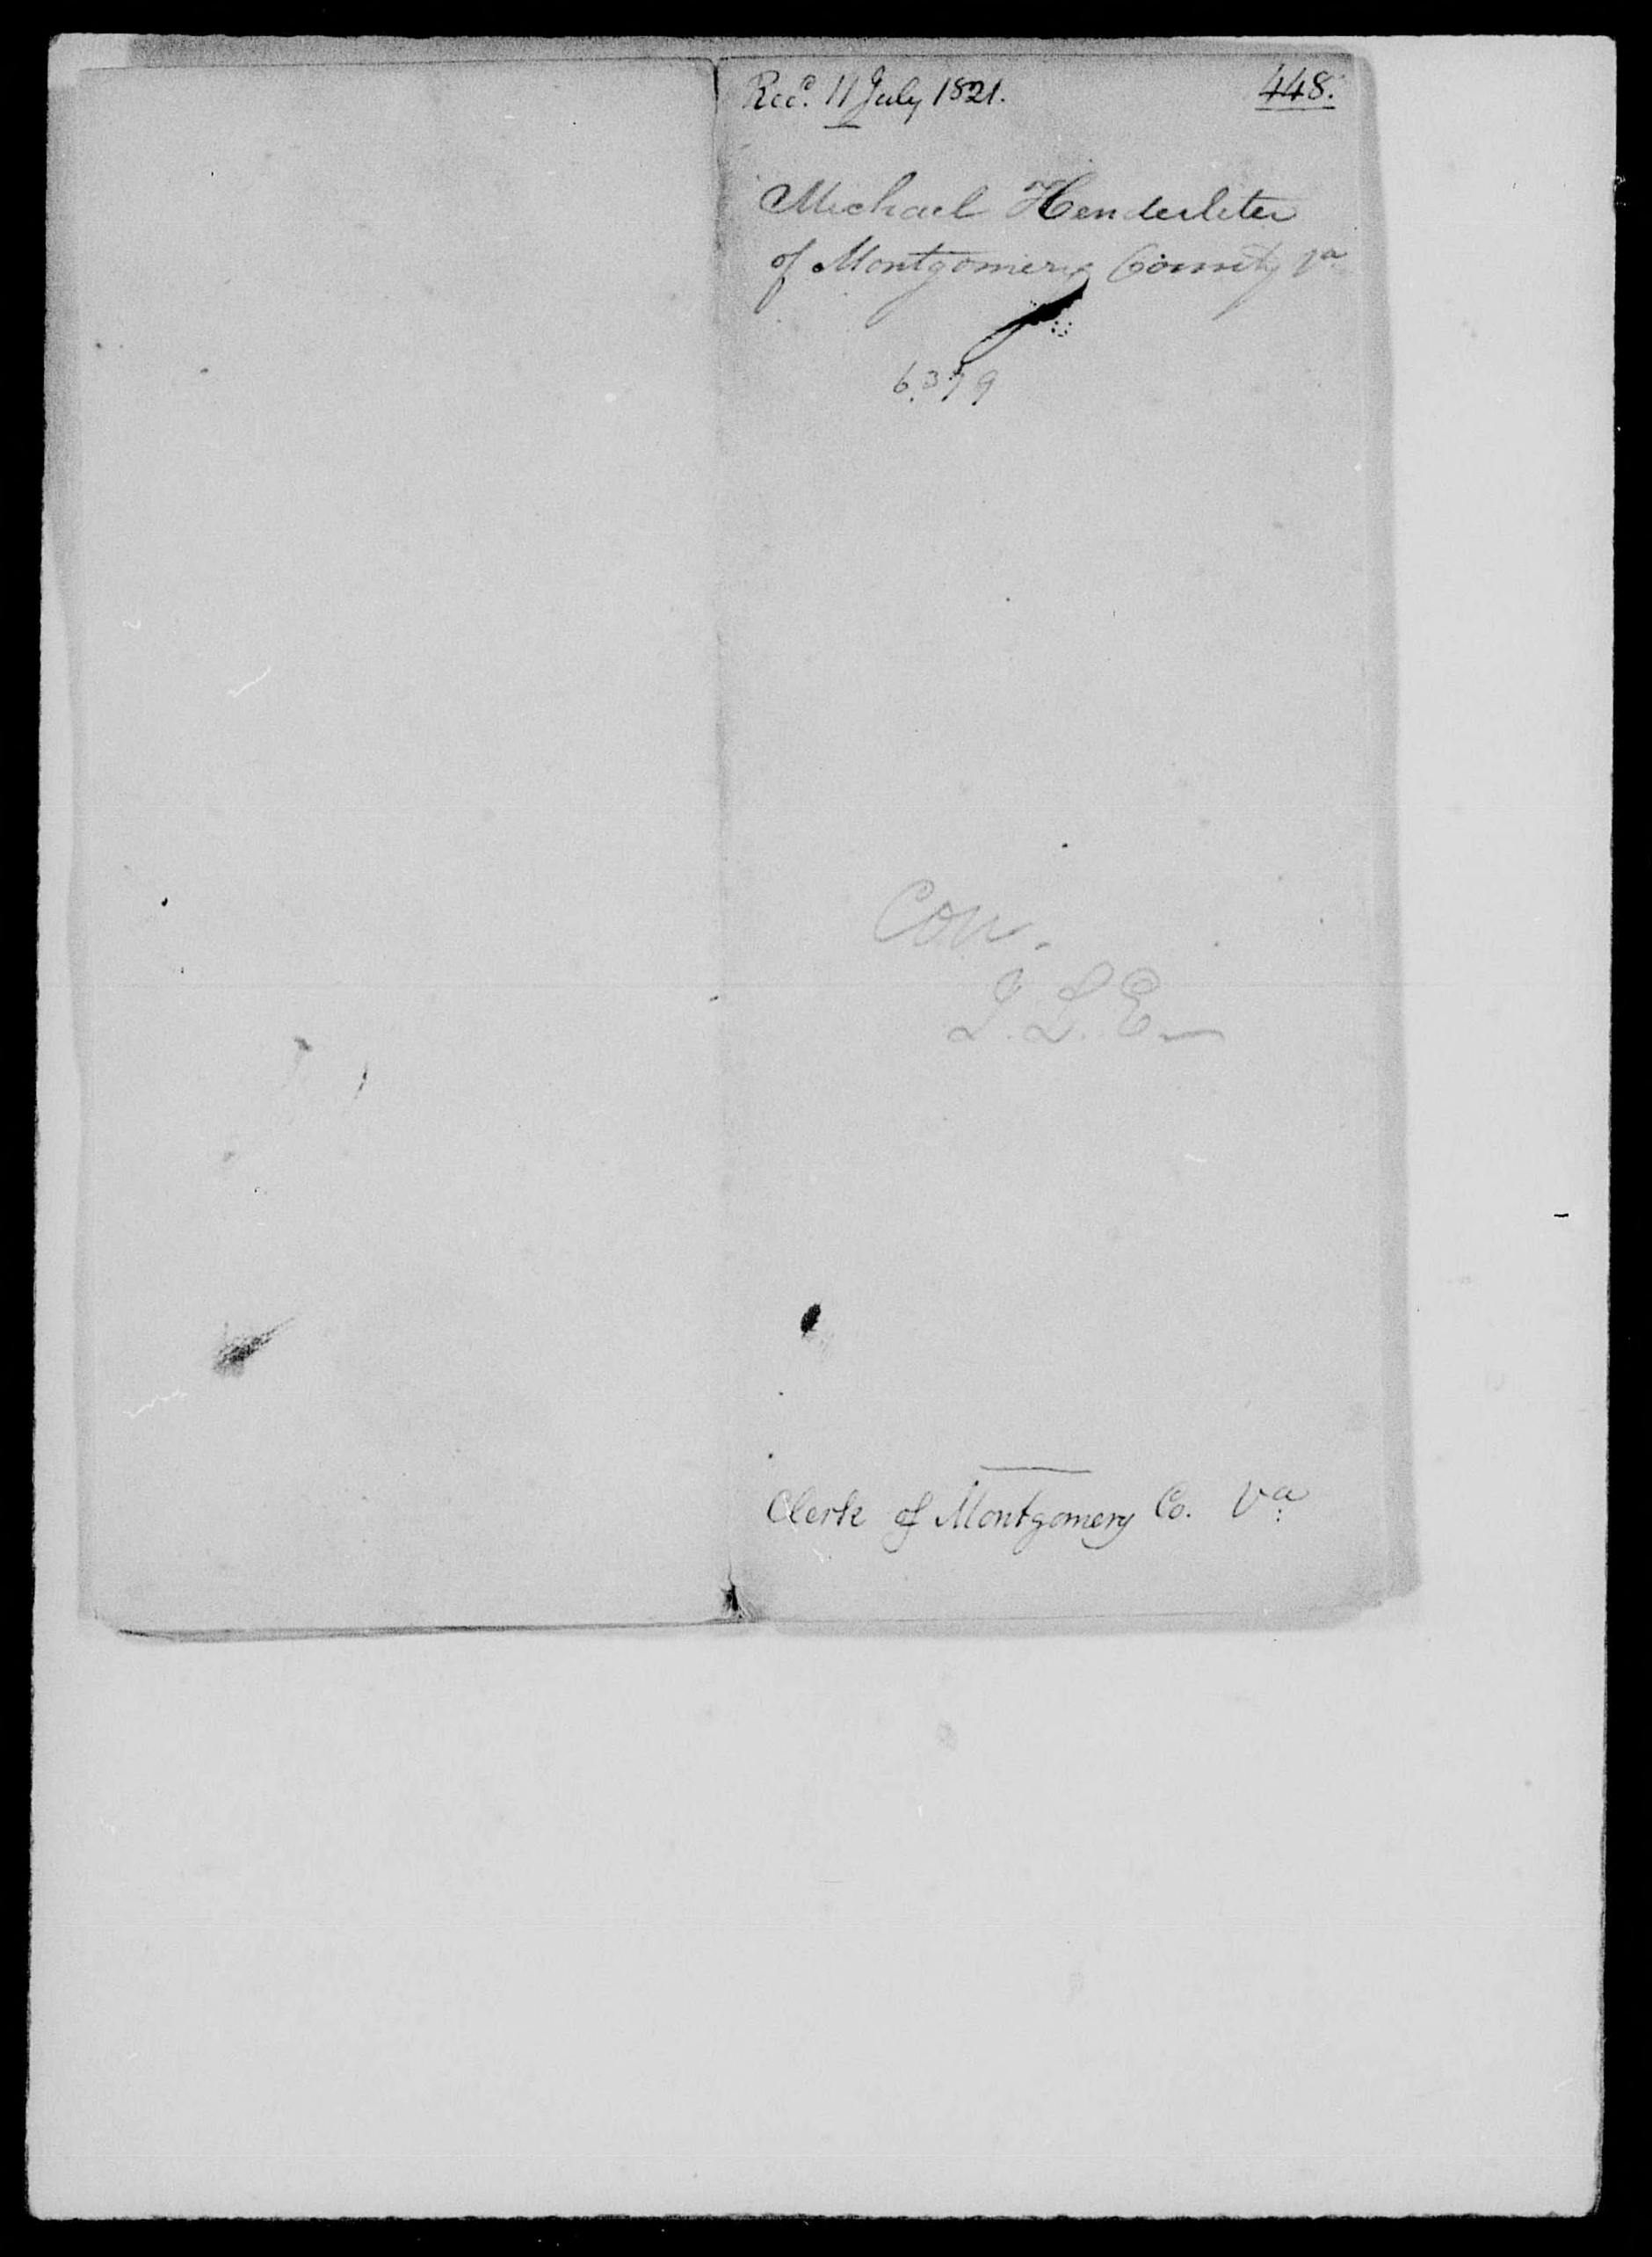Recd. 11 July 1821                        448
                                                        _____

Michael Henderliter of Montgomery County Pa
6379

Com.
J.L.E-

Clerk of Montgomery Co. Pa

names: Michael Henderliter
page: 9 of 15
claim: survivor's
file: S. 38016, Michael Henderliter, Penn.